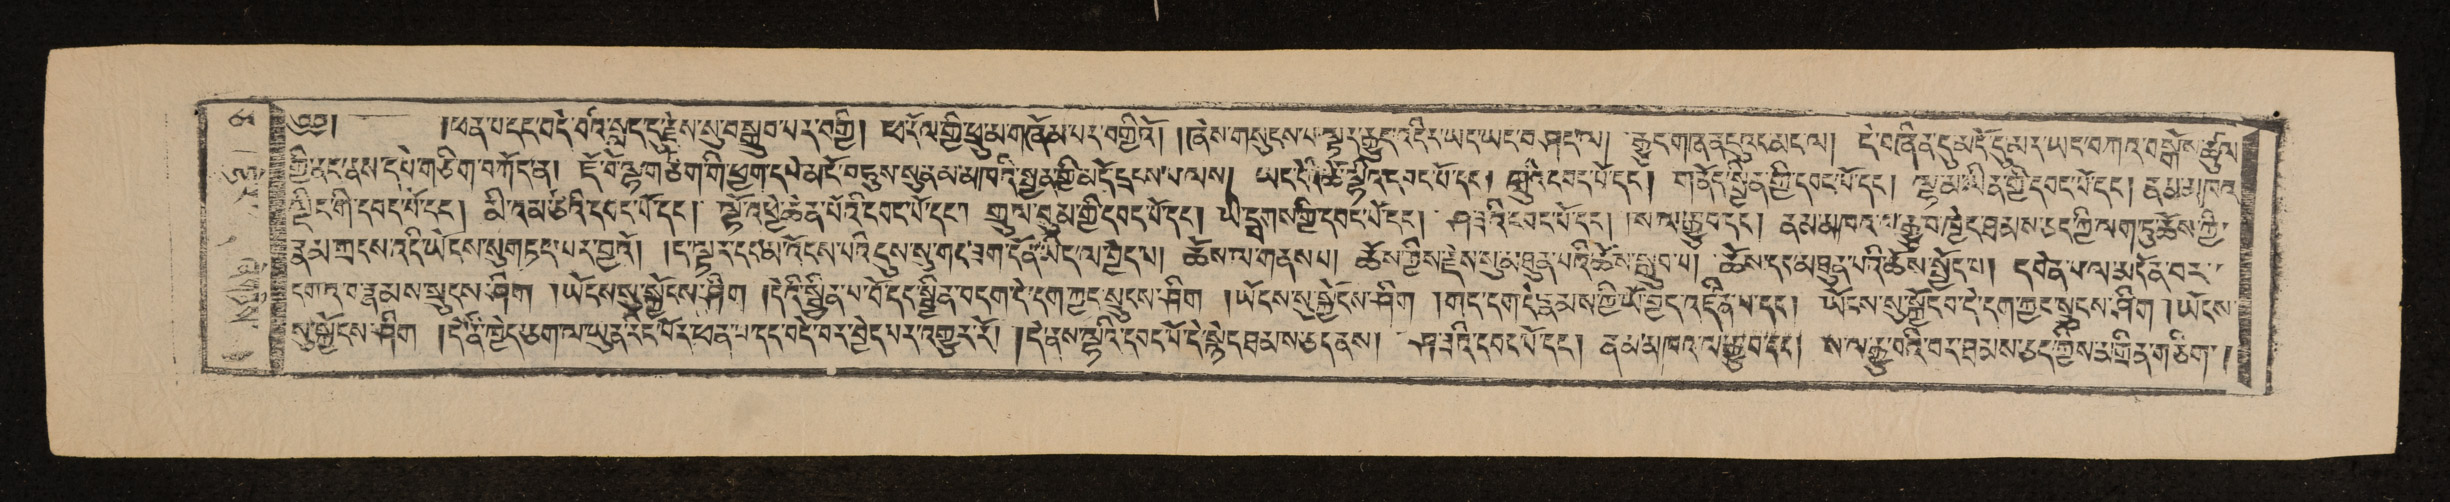༄༅། །ཕན་བ་དང་བདེ་བའི་སླད་དུ་རྗེས་སུ་བསྒྲུབ་པར་བགྱི། ཕ་རོལ་གྱི་ཕྲུ་མ་གཞོམ་པར་བགྱིའོ། །ཞེས་གསུངས་པ་ལྟར་རྒྱུད་འདིར་ཡང་ཡང་བཤད་ལ། རྒྱུད་གཞན་དུའང་མང་ལ། དེ་བཞིན་དུ་མདོ་དུ་མར་ཡང་བཀའ་བསྒོས་ཚུལ་
གྱི་ནང་ནས་དཔེ་གཅིག་བཀོད་ན། ཇོ་བོ་ལྷ་གཅིག་གི་ཕྱག་དཔེ་མདོ་བཏུས་སུ་ནམ་མཁའི་སྤྱན་གྱི་མདོ་དྲངས་བ་ལས། ཡང་དེའི་ཚེ་ལྷའི་དབང་པོ་དང་། ཀླུའི་དབང་པོ་དང་། གནོད་སྦྱིན་གྱི་དབང་པོ་དང་། ལྷ་མ་ཡིན་གྱི་དབང་པོ་དང་། ནམ་མཁའ་
ལྡིང་གི་དབང་པོ་དང་། མིའམ་ཅིའི་དབང་པོ་དང་། ལྟོ་འཕྱེ་ཆེན་པོའི་དབང་པོ་དང་། གྲུལ་བུམ་གྱི་དབང་པོ་དང་། ཡི་དྭགས་གྱི་དབང་པོ་དང་། ཤ་ཟའི་དབང་པོ་དང་། ས་ལ་རྒྱུབ་དང་། ནམ་མཁའ་ལ་རྒྱུ་བ་ཁྱེད་ཐམས་ཅད་ཀྱི་ལག་ཏུ་ཆོས་ཀྱི་
རྣམ་གྲངས་འདི་ཡོངས་སུ་གཏད་པར་བྱའོ། །ད་ལྟར་དང་མ་འོངས་པའི་དུས་སུ་གང་ཟག་དོན་ཡིད་ལ་བྱེད་པ། ཆོས་ལ་གནས་པ། ཆོས་ཀྱིས་རྗེས་སུ་མཐུན་པའི་ཆོས་སྒྲུབ་པ། ཆོས་དང་མཐུན་པའི་ཆོས་སྤྱོད་པ། དཔེན་པ་ལ་མངོན་པར་
དགའ་བ་རྣམས་སྲུངས་ཤིག །ཡོངས་སུ་སྐྱོངས་ཤིག །དེའི་སྤྱིན་པ་པོ་དང་སྤྱིན་བདག་དེ་དག་ཀྱང་སྲུངས་ཤིག །ཡོངས་སུ་སྐྱོངས་ཤིག །གང་དག་དེ་རྣམས་ཀྱི་ཡོ་བྱད་འཛིན་པ་དང་། ཡོངས་སུ་སྐྱོང་བ་དེ་དག་ཀྱང་སྲུངས་ཤིག །ཡོངས་
སུ་སྐྱོངས་ཤིག །དེ་ནི་ཁྱེད་ཅག་ལ་ཡུན་རིང་པོར་ཕན་པ་དང་བདེ་བར་བྱེད་པར་འགྱུར་རོ། །དེ་ནས་ལྷའི་དབང་པོ་དེ་སྙེད་ཐམས་ཅད་ནས། ཤ་ཟའི་དབང་པོ་དང་། ནམ་མཁའ་ལ་རྒྱུ་བ་དང་། ས་ལ་རྒྱུ་བའི་བར་ཐམས་ཅད་ཀྱིས་མགྲིན་གཅིག་